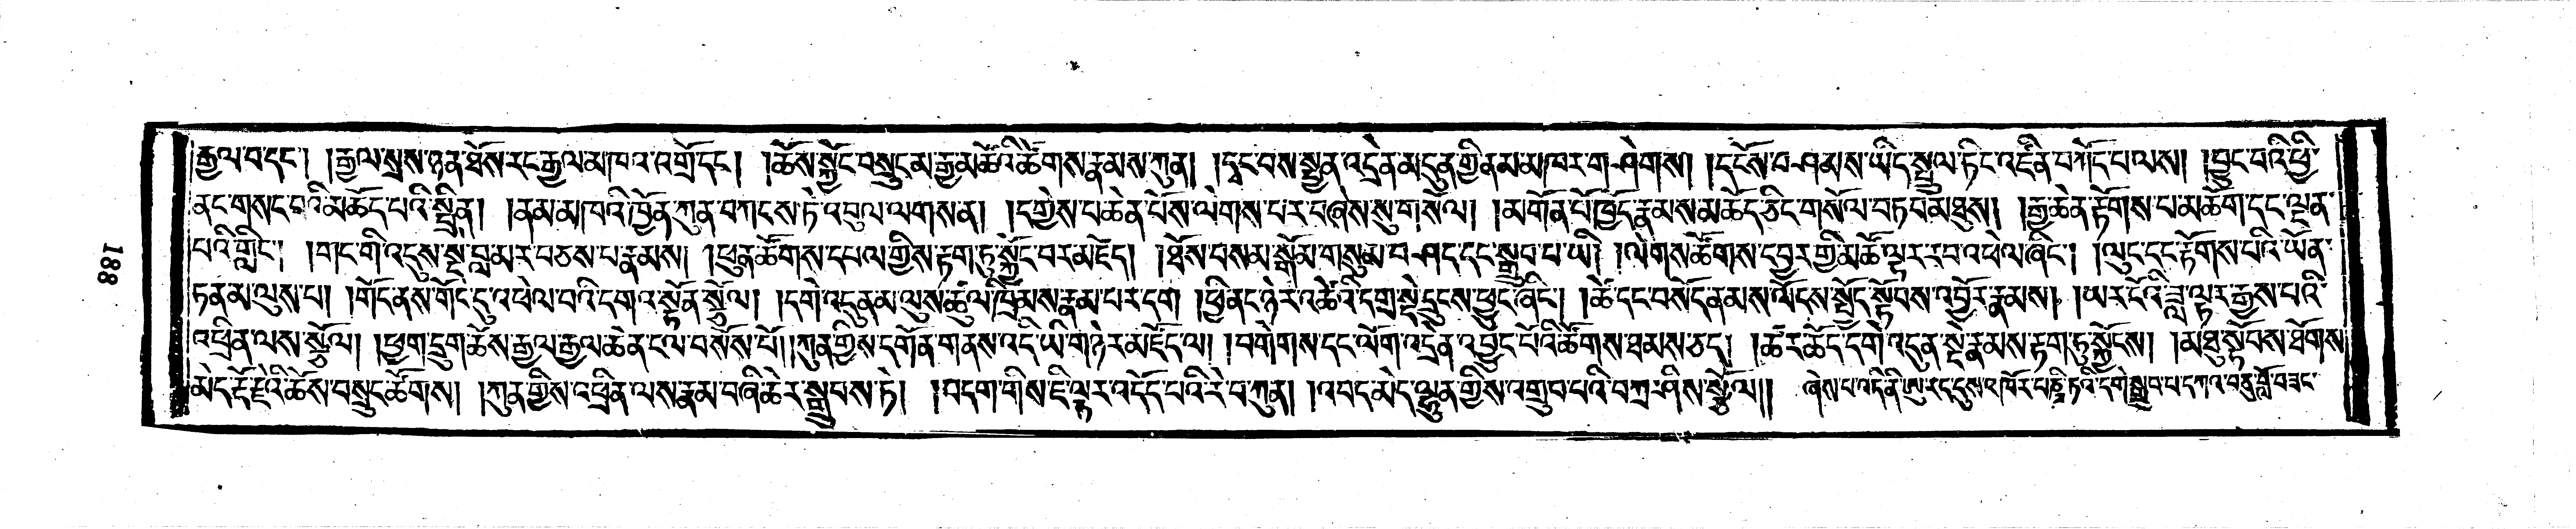རྒྱལ་བ་དང་། །རྒྱལ་སྲས་ཉན་ཐོས་རང་རྒྱལ་མཁའ་འགྲོ་དང་། །ཆོས་སྐྱོང་བསྲུང་མ་རྒྱ་མཚོའི་ཚོགས་རྣམས་ཀུན། །དྭང་བས་སྤྱན་འདྲེན་མདུན་གྱི་ནམ་མཁར་གཤེགས། །དངོས་བཤམས་ཡིད་སྤྲུལ་ཏིང་འཛིན་བཀོད་པ་ལས། །བྱུང་བའི་ཕྱི་
ནང་གསང་བའི་མཆོད་པའི་སྤྲིན། །ནམ་མཁའི་ཁྱོན་ཀུན་བཀངས་ཏེ་འབུལ་ལགས་ན། །དགྱེས་པ་ཆེན་པོས་ལེགས་པར་བཞེས་སུ་གསོལ། །མགོན་པོ་ཁྱོད་རྣམས་མཆོད་ཅིང་གསོལ་བཏབ་མཐུས། །རྒྱ་ཆེན་རྟོགས་པ་མཆོག་དང་ལྡན་
པའི་གླིང་། །གང་གི་འདུས་སྡེ་བླ་མར་བཅས་པ་རྣམས། །ཕུན་ཚོགས་དཔལ་གྱིས་རྟག་ཏུ་སྐྱོང་བར་མཛོད། །ཐོས་བསམ་སྒོམ་གསུམ་བཤད་དང་སྒྲུབ་པ་ཡི། །ལེགས་ཚོགས་དབྱར་གྱི་མཚོ་ལྟར་རབ་འཕེལ་ཞིང་། །ལུང་དང་རྟོགས་པའི་ཡོན་
ཏན་མ་ལུས་པ། །གོང་ནས་གོང་དུ་འཕེལ་བའི་དགའ་སྟོན་སྩོལ། །དགེ་འདུན་མ་ལུས་ཚུལ་ཁྲིམས་རྣམས་པར་དག །ཕྱི་ནང་ཉེར་འཚེའི་དགྲ་སྡེ་དྲུངས་ཕྱུང་ཞིང་། །ཚེ་དང་བསོད་ནམས་ལོངས་སྤྱོད་སྟོབས་འབྱོར་རྣམས། །ཡར་ངོའི་ཟླ་ལྟར་རྒྱས་པའི་
འཕྲིན་ལས་སྩོལ། །ཕྱག་དྲུག་ཆོས་རྒྱལ་རྒྱལ་ཆེན་ངལ་བ་སོས་པོ། །ཀུན་གྱིས་དགོན་གནས་འདི་ཡི་གཉེར་མཛོད་ལ། །བགེགས་དང་ལོག་འདྲེན་འབྱུང་པོའི་ཚོགས་ཐམས་ཅད། །ཚར་ཆོད་དགེ་འདུན་སྡེ་རྣམས་རྟག་ཏུ་སྐྱོངས། །མཐུ་སྟོབས་ཐོགས་
མེད་རྡོ་རྗེའི་ཆོས་བསྲུང་ཚོགས། །ཀུན་གྱིས་འཕྲིན་ལས་རྣམ་བཞི་ཆེར་སྒྲུབས་ཏེ། །བདག་གིས་ཇི་ལྟར་འདོད་པའི་རེ་བ་ཀུན། །འབད་མེད་ལྷུན་གྱིས་འགྲུབ་པའི་བཀྲ་ཤིས་སྩོལ།། ཞེས་པ་འདི་ནི་ཨུ་རང་དུས་འཁོར་པཎྜིཏའི་དགེ་སྒྲུབ་པ་དཀའ་བཅུ་བློ་བཟང་